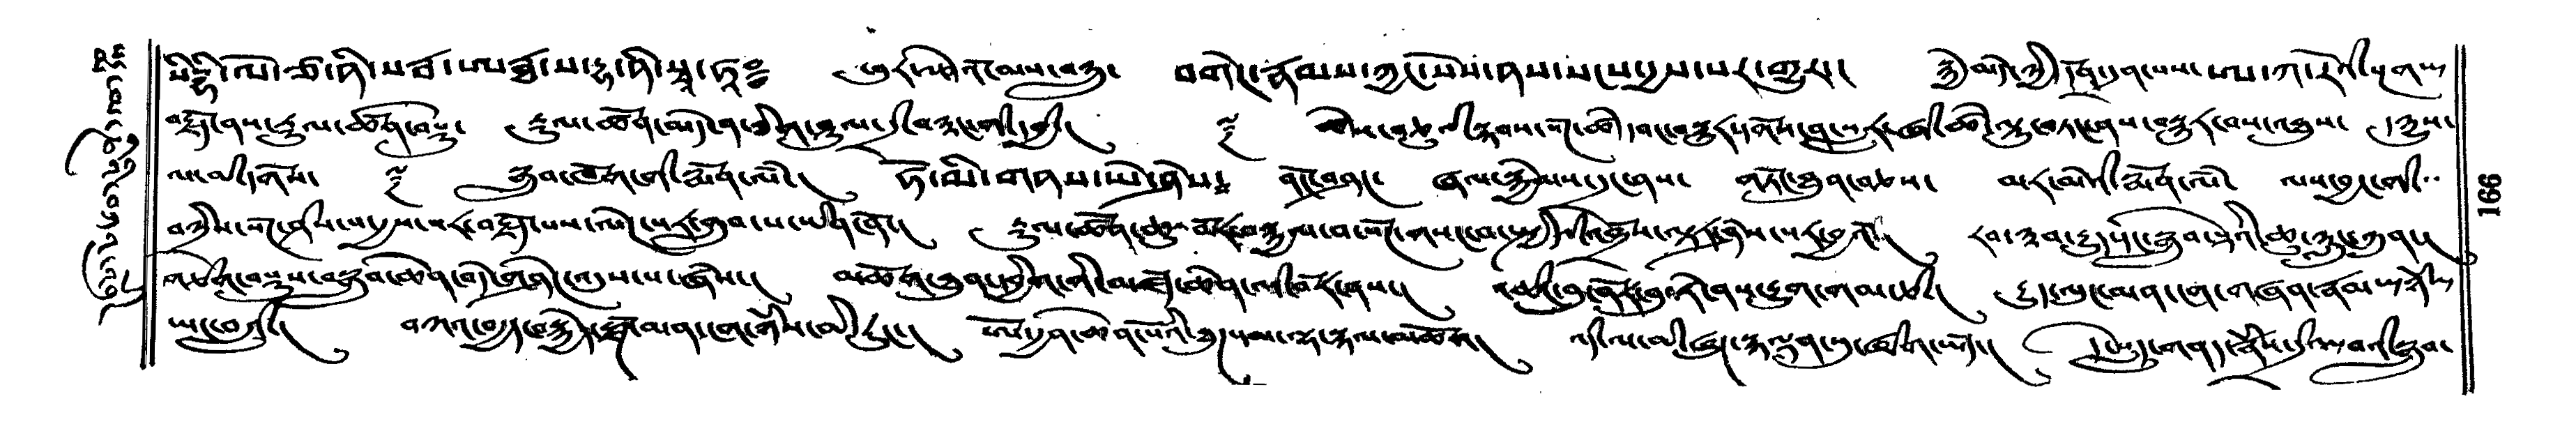སིདྡྷི་ལོ་ཙ་ནི་སརྦ་ཨརྠ་ས་དྷ་ནི་སྭ་ཧཱ༔ ཕུར་རྩེ་འོ་མས་བཀྲུ། བགེགས་རྣམས་ཀྱང་སོས་ནས་སངས་རྒྱས་པར་གྱུར། སྐྱེ་མེད་ཀྱི་དོན་དྲན་པས། ཨ་ཀ་རོའི་སྔགས་
བརྗོད་ནས་རྡུལ་ཚོན་བསྡུ། རྡུལ་ཚོན་མེད་ན་ཐིག་ཤུལ་དྲི་བཟང་གིས་ཕྱི། ཚེས་བཅུའི་སྐབས་སོགས་ཚེ་དབང་བསྐུར་དགོས་ན་སླར་ཞི་ཚེ་ལྟ་བུ་བཏང་ནས་བསྐུར་བས་འཐུས། དཀྱུས་
ལ་མི་དགོས། ༈ སྒྲུབ་ཁོག་གི་སྨོན་ལམ། ཧོ༔ མི་གནས་ཡེ་ཤེས༴ ནོངས་བཤགས། ཞལ་སྐྱེམས་དྲངས་ནས་གཏོང་ཐུན་བཅས། མར་མེའི་སྨོན་ལམ། ལས་བྱང་གི་
བཀྲ་ཤིས་སོགས་ཤིས་པ་རྒྱས་པར་བརྗོད་པས་ལེགས་པར་གྲུབ་པ་ཡིན་ནོ། རྡུལ་ཚོན་ཆུ་བོར་སྐྱེལ་བ་སོགས་གསང་སྔགས་སྤྱིའི་འགྲོས་ལྟར་ཤེས་པར་བྱའོ།། རབ་ཟབ་རྒྱུད་དང་སྒྲུབ་སྡེའི་ཆུ་ཀླུང་ཀུན། །
གཅིག་བསྡུས་སྒྲུབ་ཆེན་བདེ་གཤེགས་འདུས་པ་ཞེས། །མཆོག་ཐུན་དབྱིག་གི་མཛོད་ཆེན་འདི་བོར་ནས། །འཆིང་བུ་ནོར་བུར་རེ་ནས་རྒྱུག་གམ་ཅི། །རྒྱུད་ལུང་མན་ངག་གཞན་རྣམས་ཉམས་
ཡང་བླའི། །བཀའ་བརྒྱད་བསྐྱེད་རྫོགས་མན་ངག་ཉམས་མི་རུང་། །ཨོ་རྒྱན་ཆེན་པོའི་ཐུགས་དམ་ལྷ་སྐལ་མཆོག །འདི་ལ་མི་ཞུགས་སྐལ་ལྡན་སུ་ཞིག་ཡོད། །དེ་སླད་གནད་རྣམས་དྲིལ་བའི་སྒྲུབ་